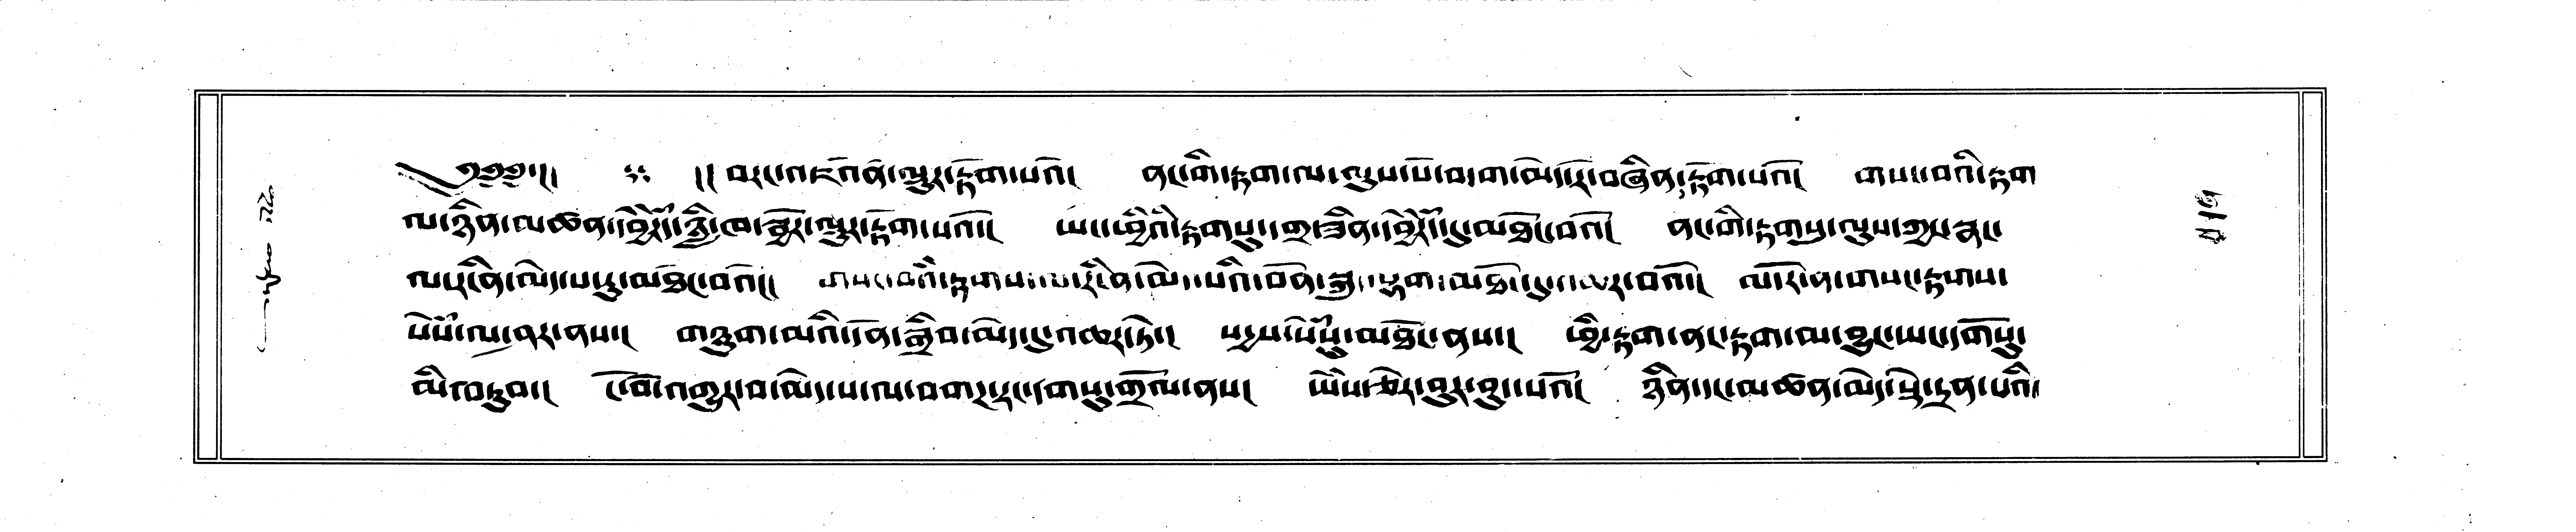བར་སྣང་གིས་གཞའ་ཚོན་ལྟ་བུར་རྟོགས་པའོ། ནང་གི་རྟག་ལ། ལུས་པོ་བདག་མེད་ཀྱིས་རོ་བཞིན་དུ་རྟོགས་པའོ། གསང་བའི་རྟག་
ལ། ཉིན་མཚན་དབྱེར་མེད་ཉི་ཟླ་ཁ་སྦྱོར་ལྟ་བུར་རྟོགས་པའོ། ཡང་ཕྱིའི་རྟགས་སུ་དགྲ་ཟུན་དབྱེར་མེད་དུ་མཐོང་བའོ། ནང་གིས་རྟགས་ལ། ལུས་ཀྱང་སྣང་
ལ་རང་བཞིན་མེད་པ་རུ་མཐོང་པའོ། གསང་བའི་རྟགས་ལ། རང་བཞིན་མེད་པའི་བོན་སྐུ་ལྷག་མཐོང་དུ་འཆར་བའོ། མདོར་ན་གསང་རྟགས་
སེམས་ལ་ཤར་ནས། གཉུག་མའི་དོན་བསྒྲིབ་མེད་དུ་འཆར་ཏེ། སངས་རྒྱས་སེམས་སུ་མཐོང་ནས། ཕྱི་རྟགས་ནང་རྟགས་གསང་རྟགས་མ་བྱུང་ཡང་དགོས་
སུ་མ་༼མི༽བཏུབ། ངོའོ་འགྱུར་བ་མེད་པ་ལ། བག་ཆགས་རང་དག་སུ་འགྲོ་ནས་ཡེ་ཤེས་གཅེར་བུར་བུད་པའོ། ཉིན་དང་མཚན་མེད་སྟེ། དེ་དྲན་པའི་སོ་པ་